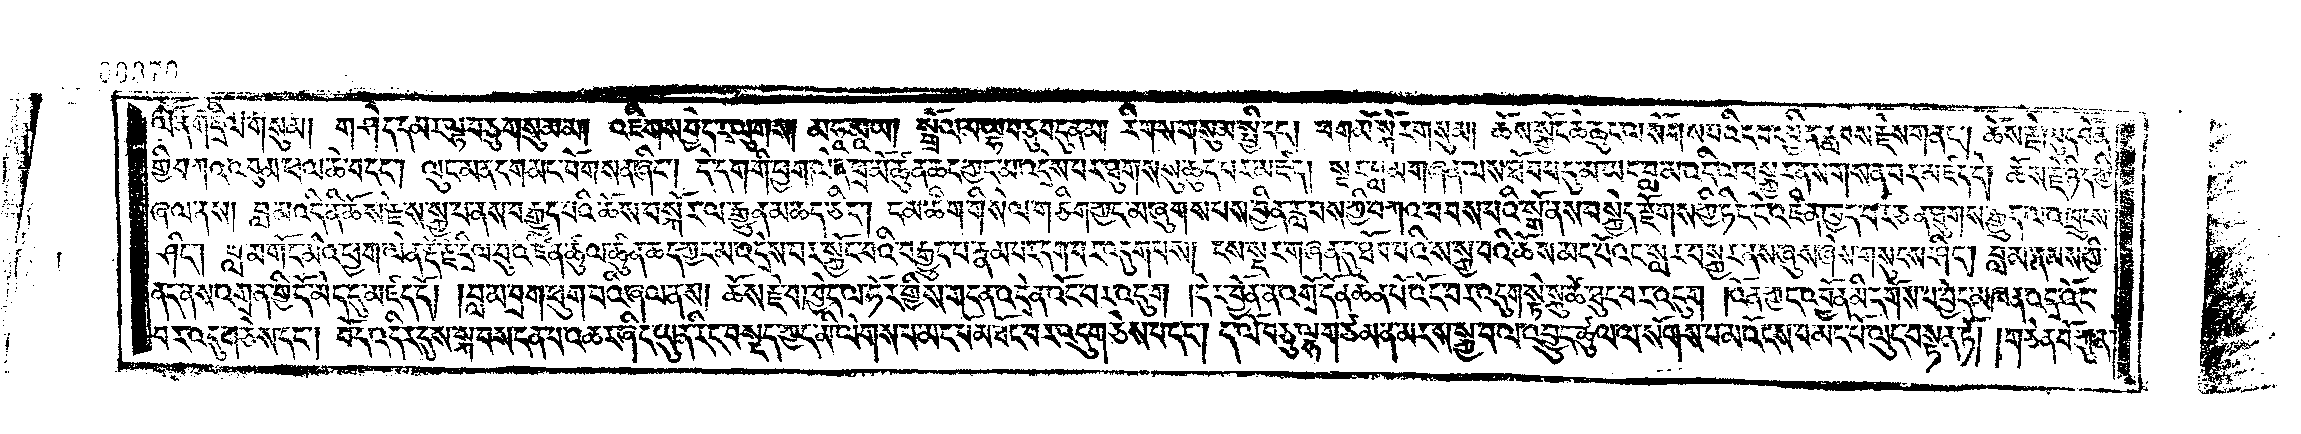ལོ་ནག་དྲིལ་གསུམ། གཤེད་དམར་ལྷ་བཅུ་གསུམ་མ། འཇིགས་བྱེད་རྭ་ལུགས། མཧཱ་མཱ་ཡ། སྒྲོལ་མ་ལྷ་བཅུ་བདུན་མ། རིགས་གསུམ་སྤྱི་དང་། ཕག་མོ་སྐོར་གསུམ། ཆོས་སྐྱོང་ཆེ་ཆུང་ལ་སོགས་པའི་དབང་བྱིན་རླབས་རྗེས་གནང་། ཆོས་རྗེ་ཁུ་དབོན་
གྱི་བཀའ་འབུམ་ཕལ་ཆེ་བ་དང་། ལུང་མན་ངག་མང་བོ་གསན་ཞིང་། དེ་དག་གི་ཕྱག་ལེན་ཕྲ་མོ་ཚུན་ཆད་ཀྱང་མ་འདྲེས་པར་ཐུགས་སུ་ཆུད་པར་མཛད། སྔར་བླ་མ་གཞན་ལས་ཐོབ་པ་དུ་མ་ཡང་བླ་མ་འདི་ལ་བསྐྱར་ནས་གསན་པར་མཛད་དེ། ཆོས་རྗེ་ཉིད་ཀྱི་
ཞལ་ནས། བླ་མ་འདི་ནི་ཆོས་རྗེས་སྐྱ་པ་ནས་བརྒྱུད་པའི་ཆོས་བསྐོར་ལ་རྒྱུན་མ་ཆད་ཅིང་། དམ་ཚིག་གི་སེལ་གཅིག་ཀྱང་མ་ཞུགས་པས་བྱིན་རླབས་ཀྱི་བཀའ་བབས་པའི་སྒོ་ནས་བསྐྱེད་རྫོགས་ཀྱི་ཏིང་ངེ་འཛིན་ཁྱད་པར་ཅན་ཐུགས་རྒྱུད་ལ་འཁྲུངས་
ཤིང་། བླ་མ་གོང་མའི་ཕྱག་ལེན་རྡོ་རྗེ་དྲིལ་བུ་འཛིན་ཚུལ་ཚུན་ཆད་ཀྱང་མ་འདྲེས་པར་སྐྱོང་བའི་བརྒྱུད་པ་རྣམ་པར་དག་པར་འདུག་པས། ངས་སྔར་གཞན་དུ་ཐོབ་པའི་ས་སྐྱ་བའི་ཆོས་མང་པོའང་སླར་བསྐྱར་ནས་ཞུས་ཞེས་གསུངས་ཤིང་། བླ་མ་རྣམས་ཀྱི་
ནད་ནས་འགྲན་གྱི་དོ་མེད་དུ་མཛད་དོ། །བླ་མ་བྲག་ཕུག་པའི་ཞལ་ནས། ཆོས་རྗེ་བ་ཁྱེད་ལ་ཧོར་གྱིས་གདན་འདྲེན་འོང་བར་འདུག །དེར་བྱོན་ན་འགྲོ་དོན་ཆེན་པོ་འོང་བར་འདུག་སྟེ་སྐུ་ཚེ་ཐུང་བར་འདུག །འོན་ཀྱང་འབྱོན་མི་དགོས་པ་བྱེད་མཁན་འདྲ་འོང་
བར་འདུག་ཅེས་དང་། བོད་འདིར་དུས་སྐབས་དན་པ་འཆར་ཞིང་ཡུན་རིང་བསྡད་ཀྱང་མི་ལེགས་པ་མང་པོ་མཐོང་བར་འདུག་ཅེས་པ་དང་། ད་ལོ་བཅུ་ལྷག་ཙམ་ན་མར་ས་སྐྱ་པ་ལ་འབྱུང་ཚུལ་ལ་སོགས་པ་མ་འོངས་པ་མང་པོ་ལུང་བསྟན་ཏོ། །གཅེན་བོ་ཀུན་